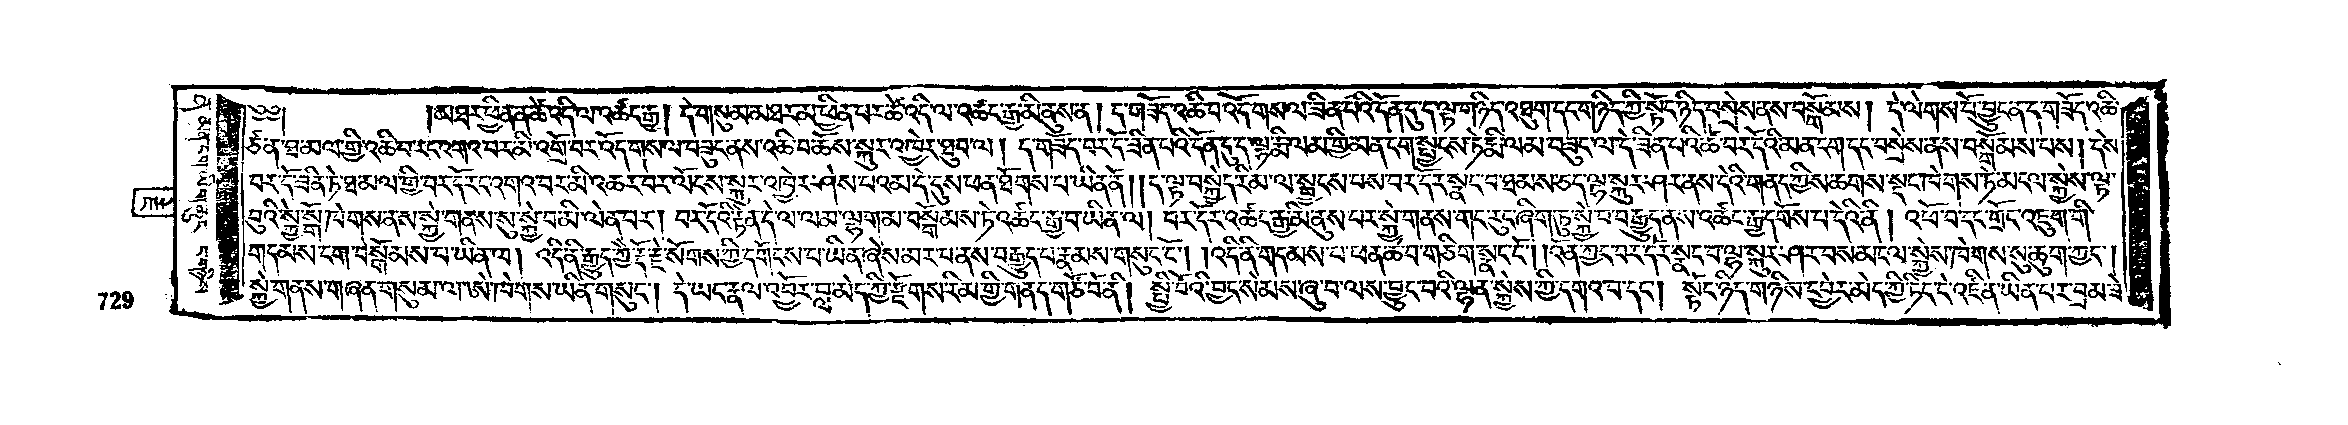༄༅། །ཚོན། གང་འབར་བའི་རྩ་རྣམས་ཏིལ་མར་གྱི་མར་མེའི་མདོག་ལྟ་བུར་ཡོད་དོ། །དེ་ཡང་སྙིང་ཁའི་རྩམ་དུད་ཀྱི་རྩ་དབུ་མ་རི་འོག་ཕྱོགས་ཀྱི་བུ་གི་ནི་ཅུང་ཟད་ཁ་བྱེ་བ་ཆུ་ཤིང་གི་མེ་ཏོག་ལྟ་བུ་ཞིག་ཡོད་དོ། །རྩམ་དུད་ཀྱི་ནང་གི་རྩ་དབུ་
མའི་ནང་གི་ཧཱུཾ་ཡིག་ནི། ཁྱད་པར་ལྔ་དང་ལྡན་པ་ཡིན་ཏེ། མི་མཐུན་པའི་རྟོག་པ་འཇོམས་པས་དཔའ་བོ་དང་། འདོད་པ་སྒྲུབ་པ་ལ་གཞན་གྱིས་མི་ཤིགས་པ་དང་། གཏུམ་མོ་ལ་བརྟེན་ནས་བདེ་བ་སྐྱེ་བས་ས་བོན་དང་། བྱང་སེམས་འཛག་པ་དང་ཚད་ཡུངས་
འབྲུ་ཙམ་ཡོད་པའོ། །བདག་མེད་མ་སྟེ་ཨ་ཐུང་ནི་རྒོད་མ་ཁའི་མེ་ཞེས་བརྗོད་ཀྱང་། གླིང་བཞི་པོ་རང་རང་གི་ཕྱོགས་ཀྱི་ལྕགས་རི་ནག་པོའི་འོག་མེས་ཆུ་སྐེམས་པ་དང་འདྲ་བར། ལྟེ་བའི་དམར་ཆ་འབར་ནས་སྤྱི་བོའི་ལྷན་སྐྱེས་ཀྱི་དགའ་བ་སྐྱེས་པའི་ཚེ་གཟུང་འཛིན་
གྱི་རྣམ་རྟོག་གཅོད་པ་ཡིན་ནོ། །ལྟེ་བ་སོགས་སུ་ཨ་ཐུང་ཡོད་པའི་རྒྱུ་མཚན་ནི་ནཱ་རོ་བཎ་ཆེན་གྱི་སློབ་མ་ཁ་ཅིག །སྤྱི་བོ་ནས་བྱང་སེམས་འབབ་པའི་ཚེ། དེ་ནས་འབབ་པའི་བྱང་སེམས་ལ་ཆ་བཞིར་བགོས་པས། ཆ་གཅིག་མགྲིན་པར་སླེབས་པའི་ཚེ་བསྐམས་
ཤིང་མགྲིན་པ་ན་ཆ་གསུམ་ཡོད་པས། དེ་དང་བསྟུན་ནས་མགྲིན་པའི་ཨོཾ་ལ་རིང་ཆ་སུམ་འགྱུར་དང་། སྙིང་ཁར་སླེབས་པའི་ཚེ་ཆ་གསུམ་དུ་བགོས་པའི་ཚེ་གཅིག་བསྐམས་ནས་སྙིང་ཁའི་ཧཱུཾ་ལ་རིང་ཆ་གཉིས་དང་ལྡན་པ་དང་། ལྟེ་བར་སླེབས་པའི་ཚེ་ཆ་གཉིས་
པོའི་ཆ་གཅིག་བསྐམས་ནས་ལྟེ་བའི་ཨ་ལ་རིང་ཆ་མི་འོང་བའི་རྒྱུ་མཚན་དེ་ཡིན་གསུང་། སློབ་དཔོན་ཨ་བྷ་ཡས་ནང་གི་སྒྲ་འདོན་ལུགས་ལ་བརྟགས་ནས་བྱེད་དེ། གསང་གནས་ནས་སྟོད་ལ་རླུང་འགྲོ་བའི་ཚེ་ལྟེ་བར་སླེབས་པ་ན་ཨ་ཐུང་ངུ་ཡི་སྒྲ་སྒྲོགས་པ་